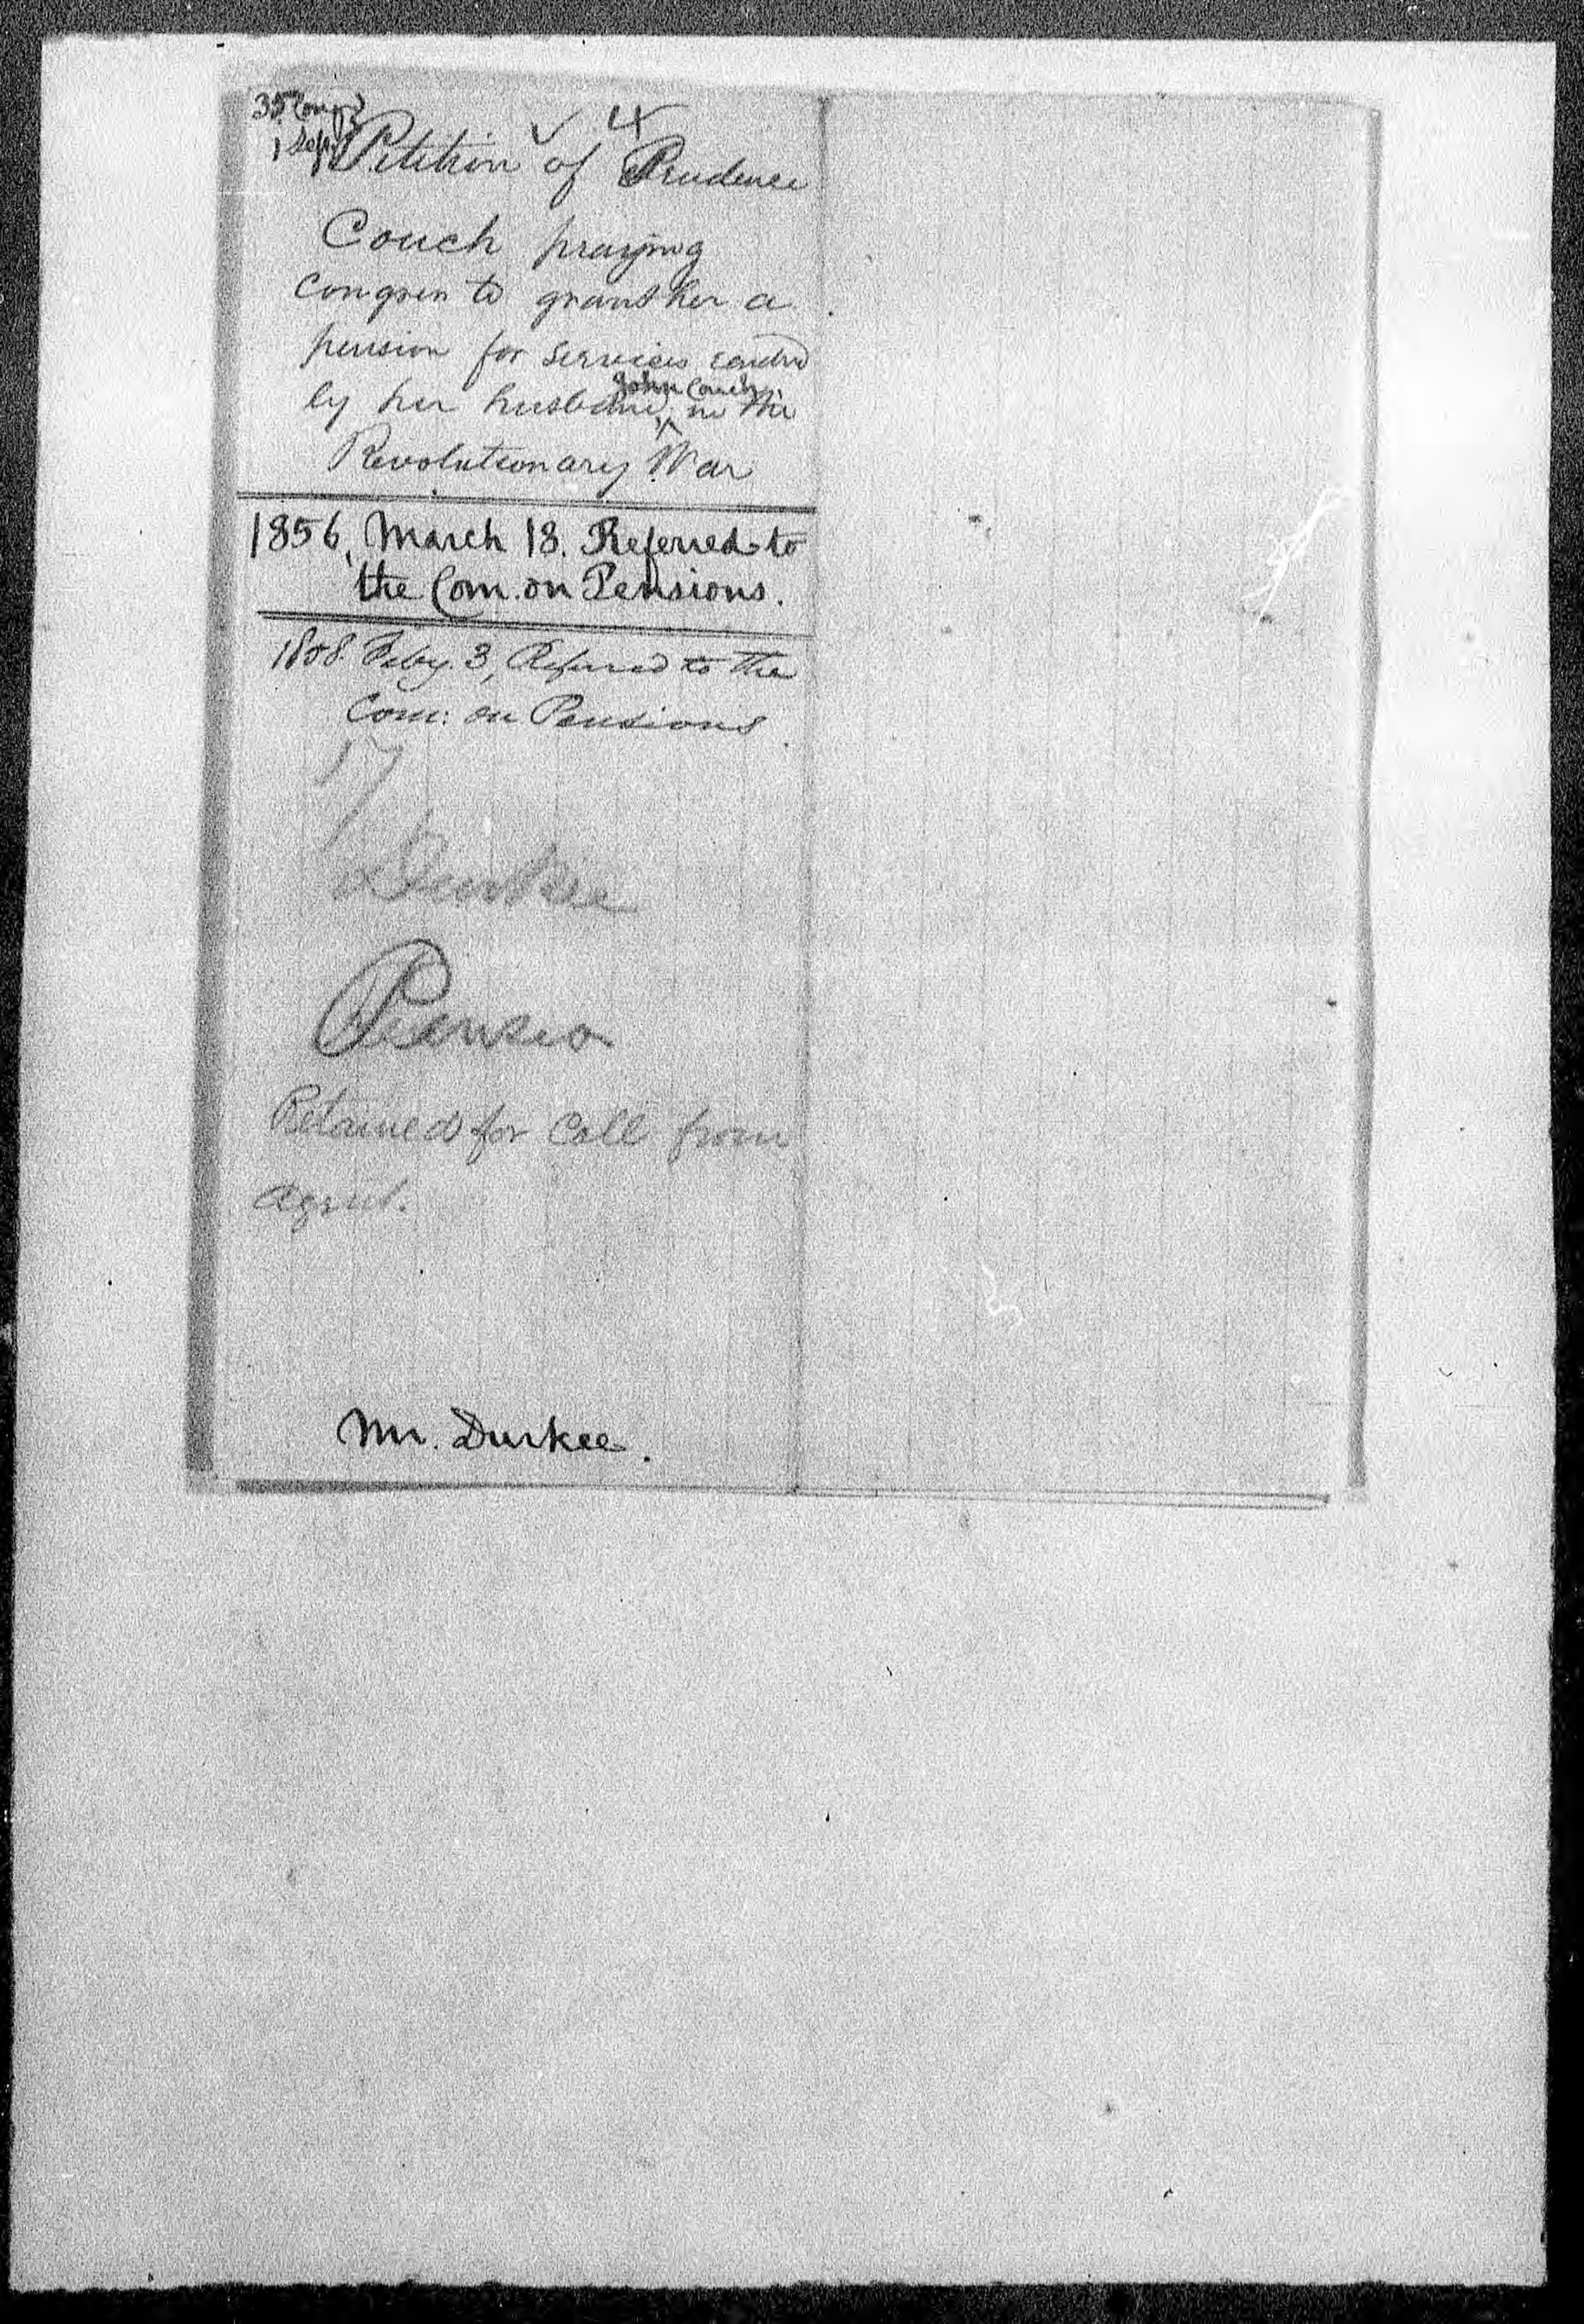35 Cong
1 Sess
Petition of Prudence
Couch praying
Congress to grant her a
pension for service rendered
by her husband John Couch in the
Revolutionary War
=====================
1856 March 18 Referred to
the Com. on Pensions.
======================
1858 Feby 3, Referred to the
Com: on Pensions

17
Durkee
Pension
Retained for call from
agent.


Mr. Durkee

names: Prudence Couch, John Couch, Durkee, Durkee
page: 59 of 68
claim: rejected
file: R. 2,360, John Couch, Conn.